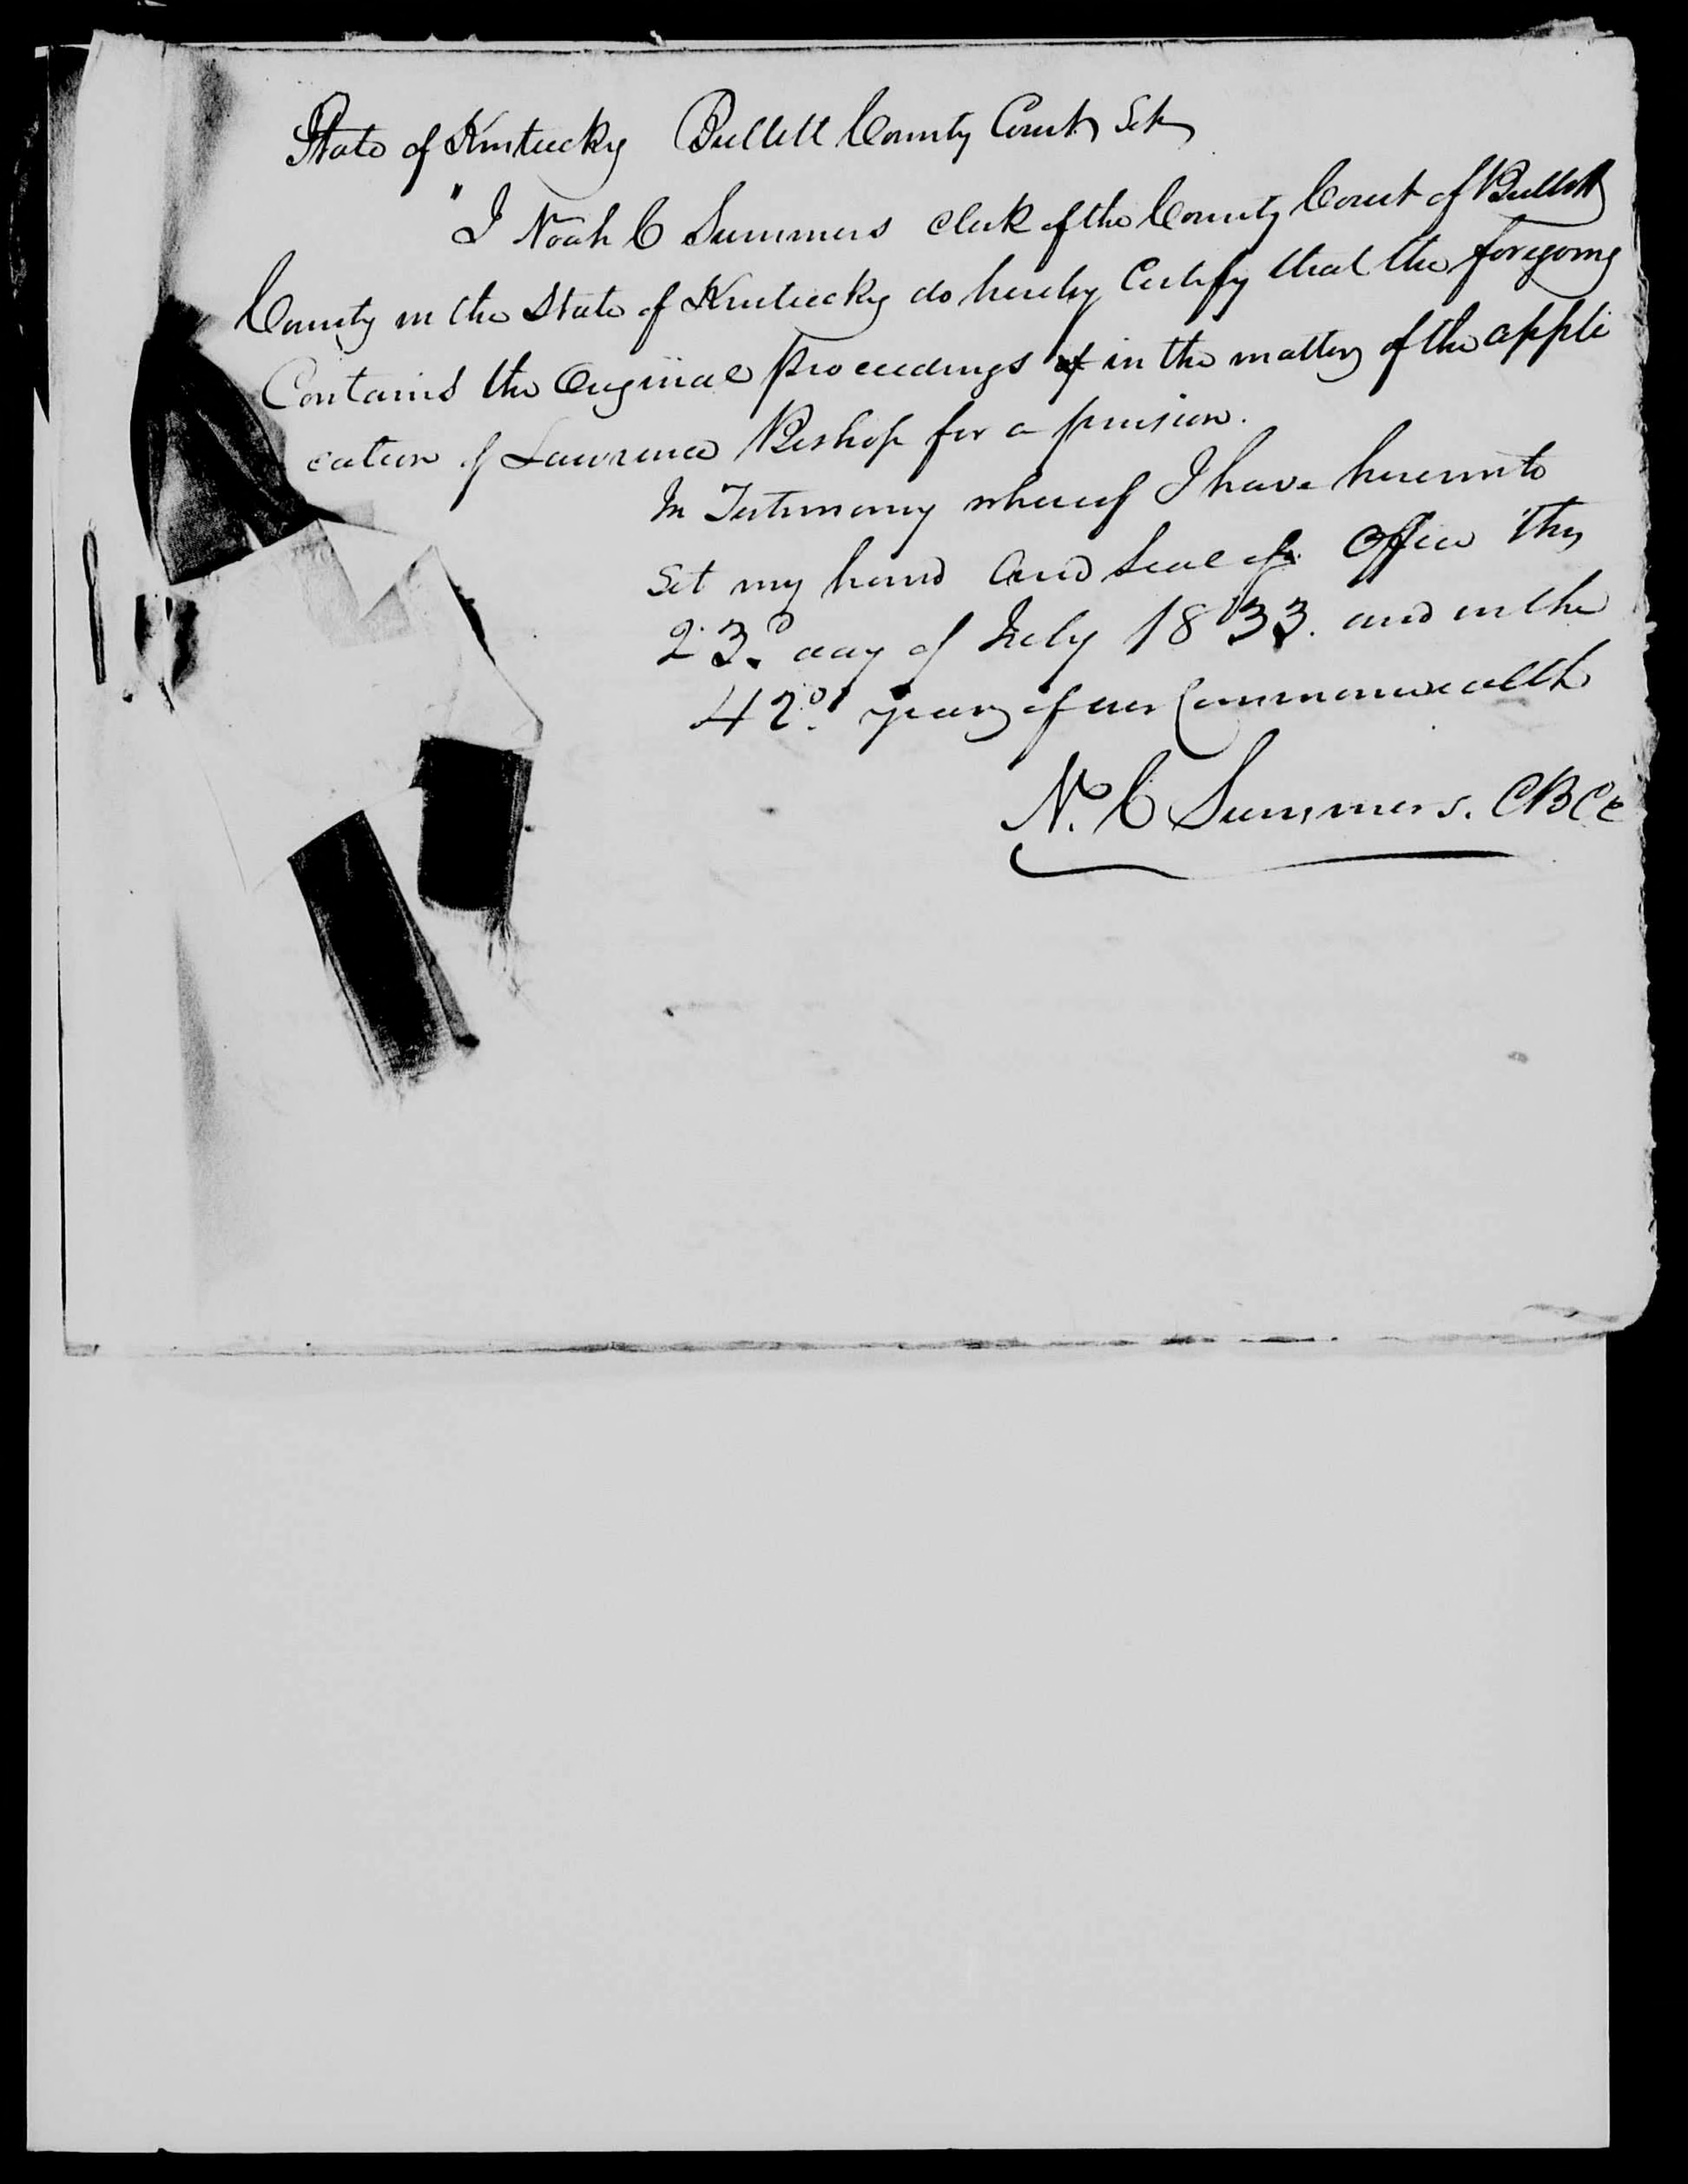State of Kentucky Bullitt County Court Sct 
I Noah C Summers Clerk of the County Court of Bullet County in the State of Kentucky do hereby certify that the foregoing contains the Original proceedings of in the matter of the application of Lawrence Bishop for a pension. 
In Testimony whereof I have hereunto set my hand and seal of office this 23 day of July 1833 and in the 42nd year of our Commonwealth 
N.C. Summers CBCC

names: Lawrence Bishop, N C Summers, Noah C Summers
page: 8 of 26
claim: survivor's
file: S.1,166, Lawrence Bishop, Penn.